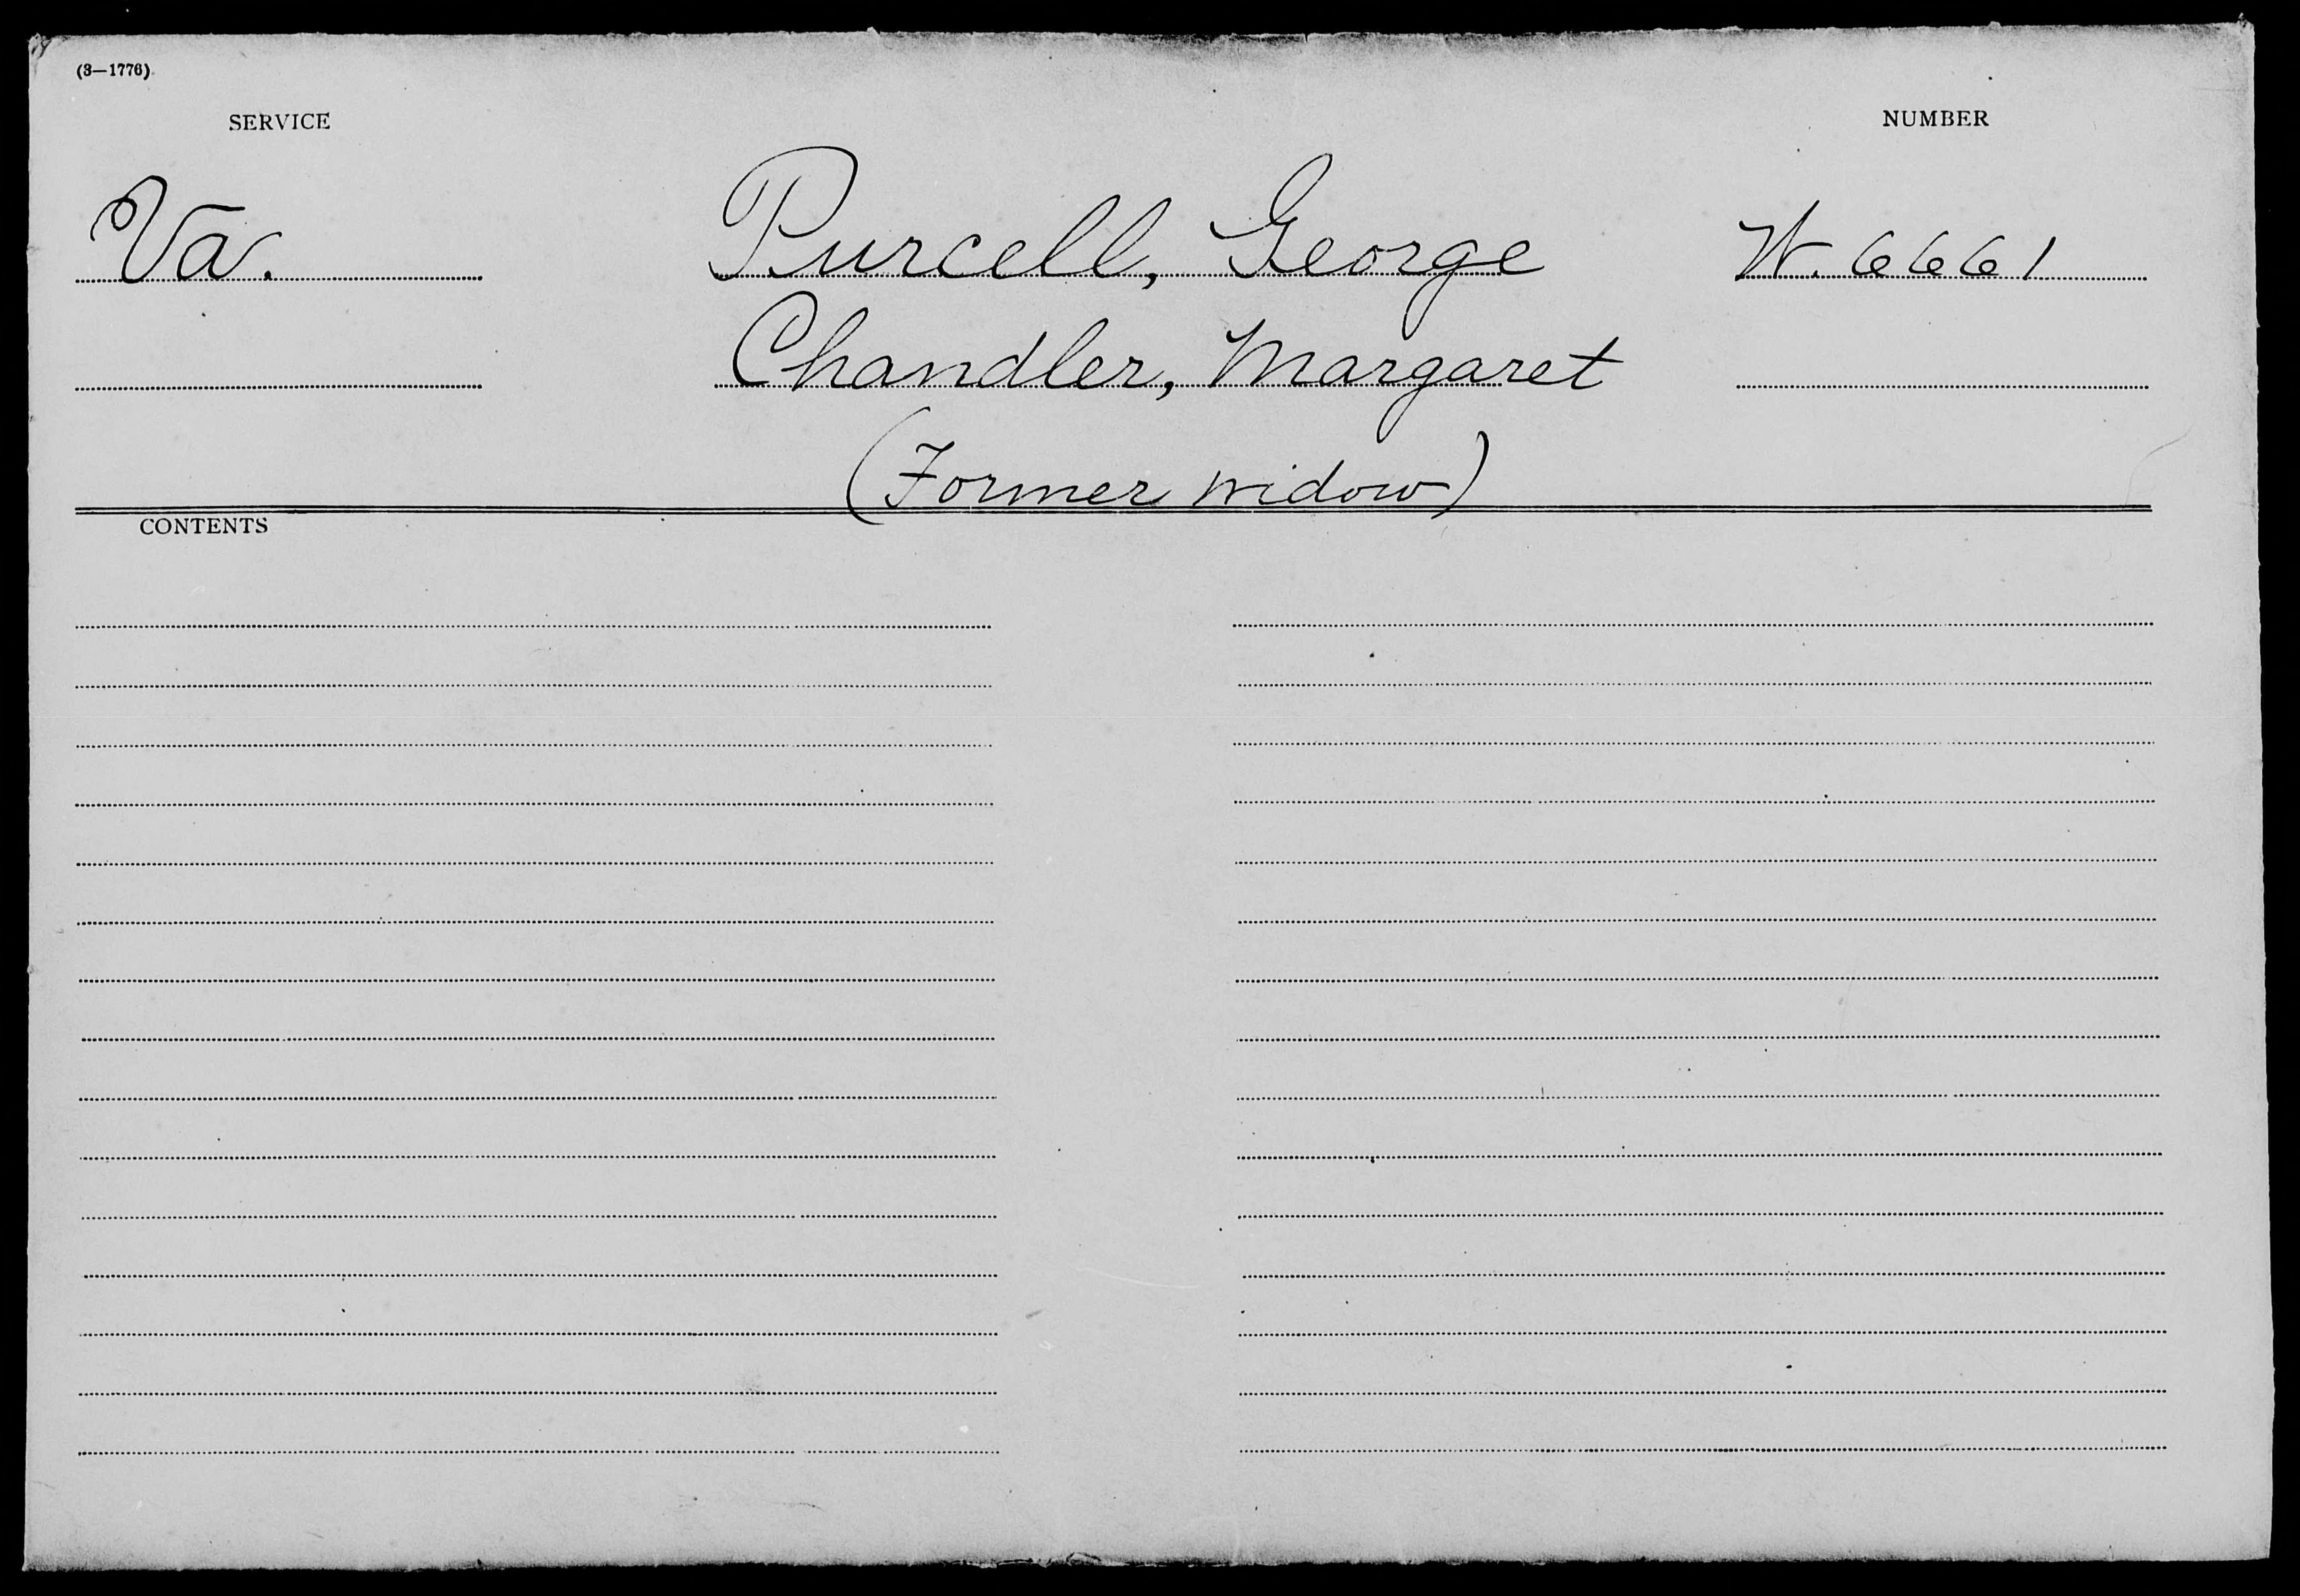SERVICE NUMBER
Va. Purcell, George W. 6661
Chandler, Margaret
(Former widow)
CONTENTS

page: 1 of 86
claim: widow's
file: W. 6661, for George Purcell, Virginia